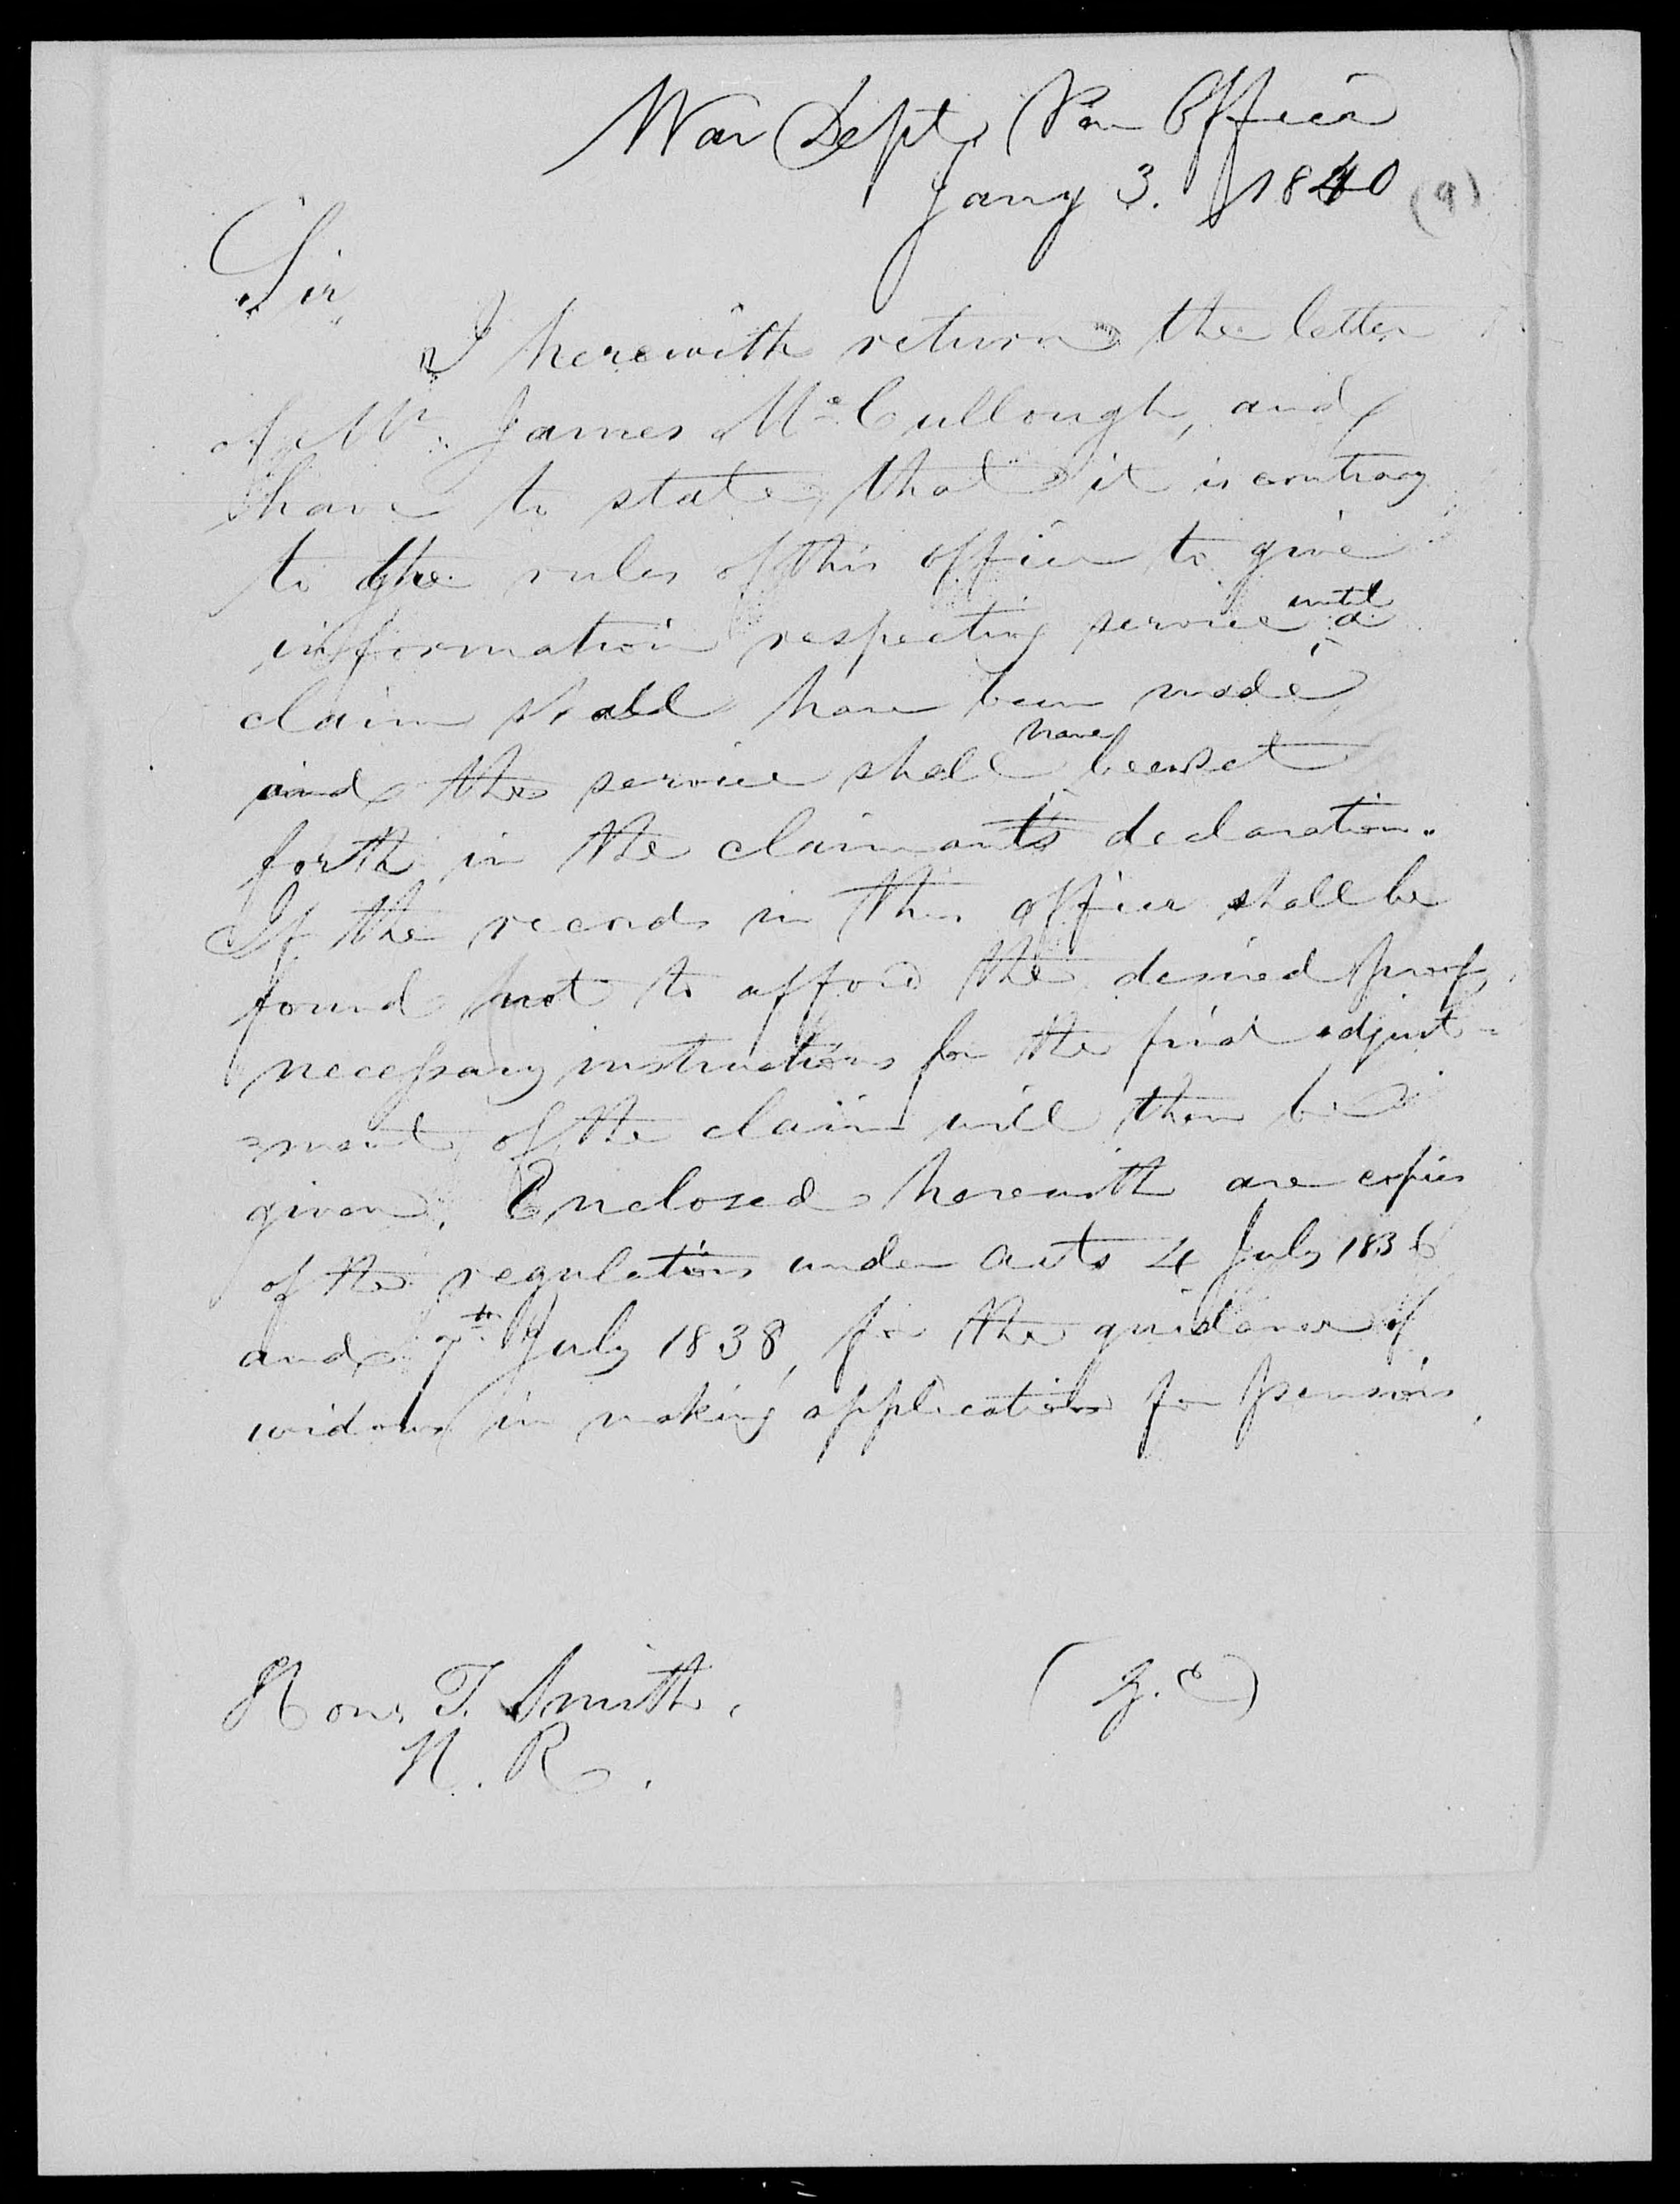War Dept. Pen Office
Jany 3. 1840

[Top right page] (9)

Sir

I herewith return the letter of Mr. James McCullough and have to state that it is contrary to the rules of this office to give information respecting service until a claim shall have been been set forth in the claimants declaration. If the records in this office shall be found not to afford the desired proof necessary instructions for the final adjustment of the claim will then be given. Enclosed herewith are copies of the regulations under acts 4 July 1836 and 7th July 1838, for the guidance of widows in making application for pensions.

Yours T. Smith
N.R.

(G.C)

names: T Smith; James Mc Cullough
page: 30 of 38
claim: survivor's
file: S 31817, for James Leeds, New Jersey